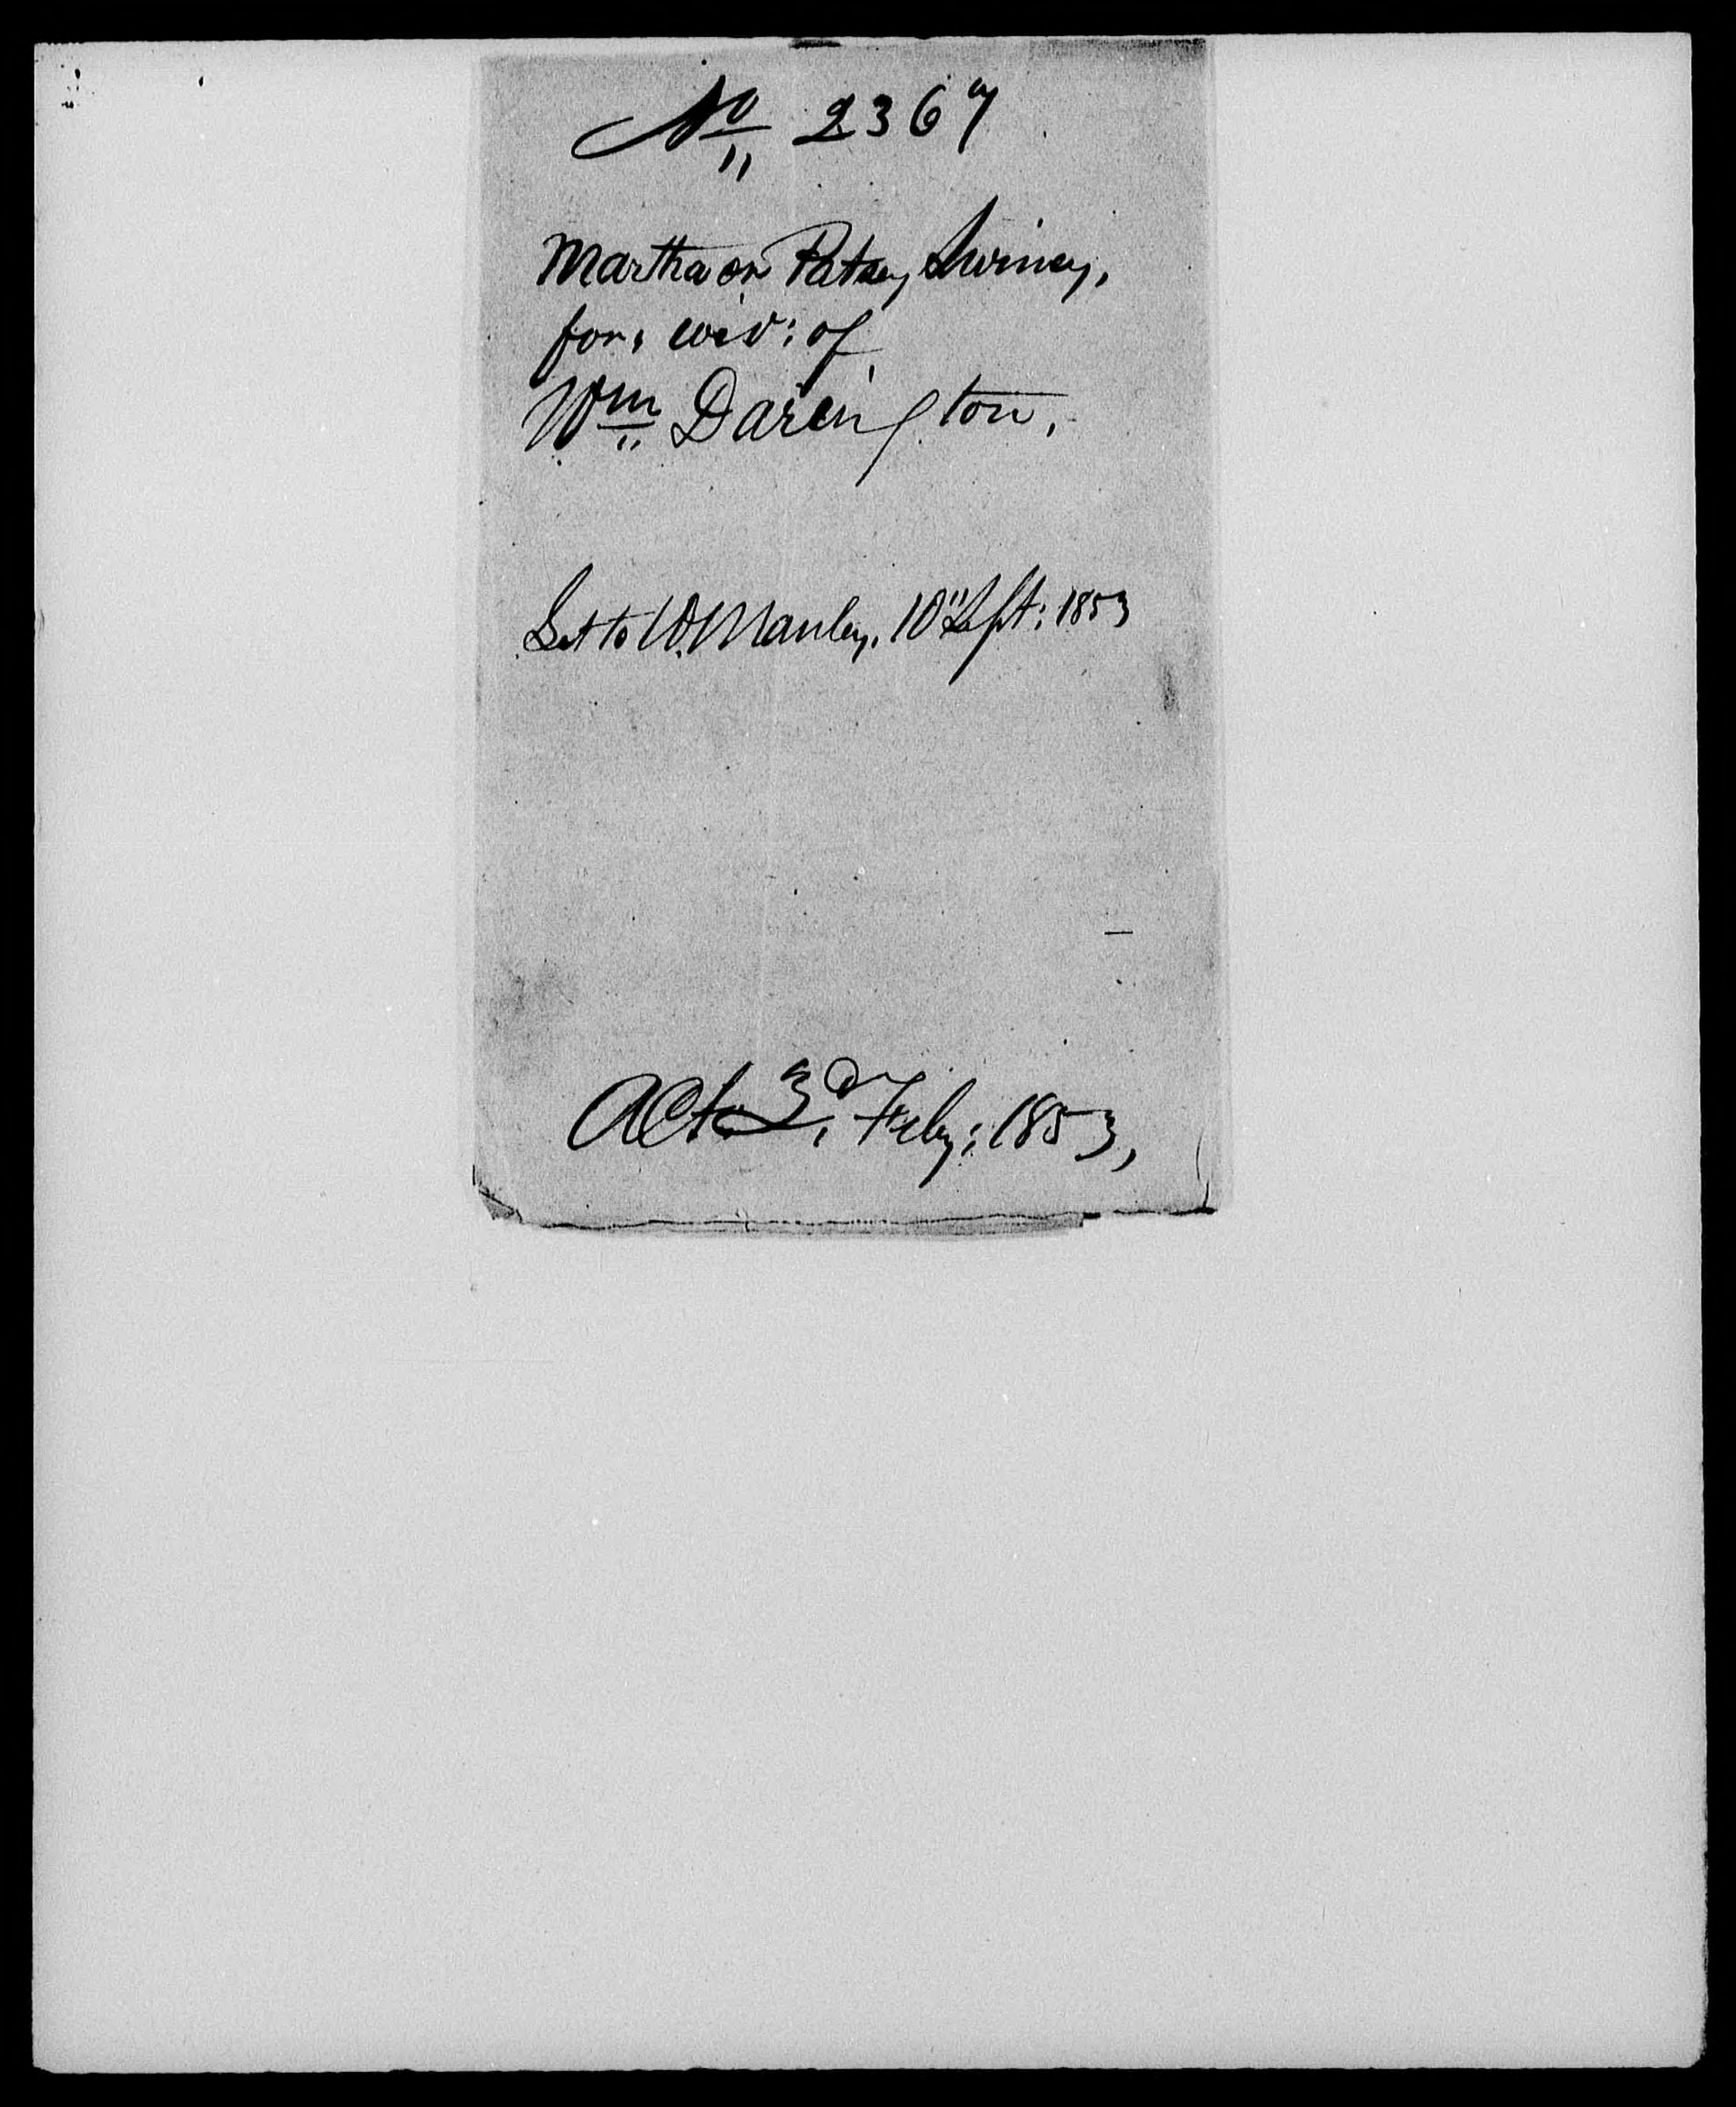No 2367

Martha or Patsy Swiney
for wid of
Wm Darington

Sent to Wm Manley 10 Sept 1853

Act 3 Feby 1853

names: Patsey Swiney, Wm Darington, Martha Swiney, Wm Manley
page: 31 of 51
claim: widow's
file: W. 27,409, William Dunnington, Md.